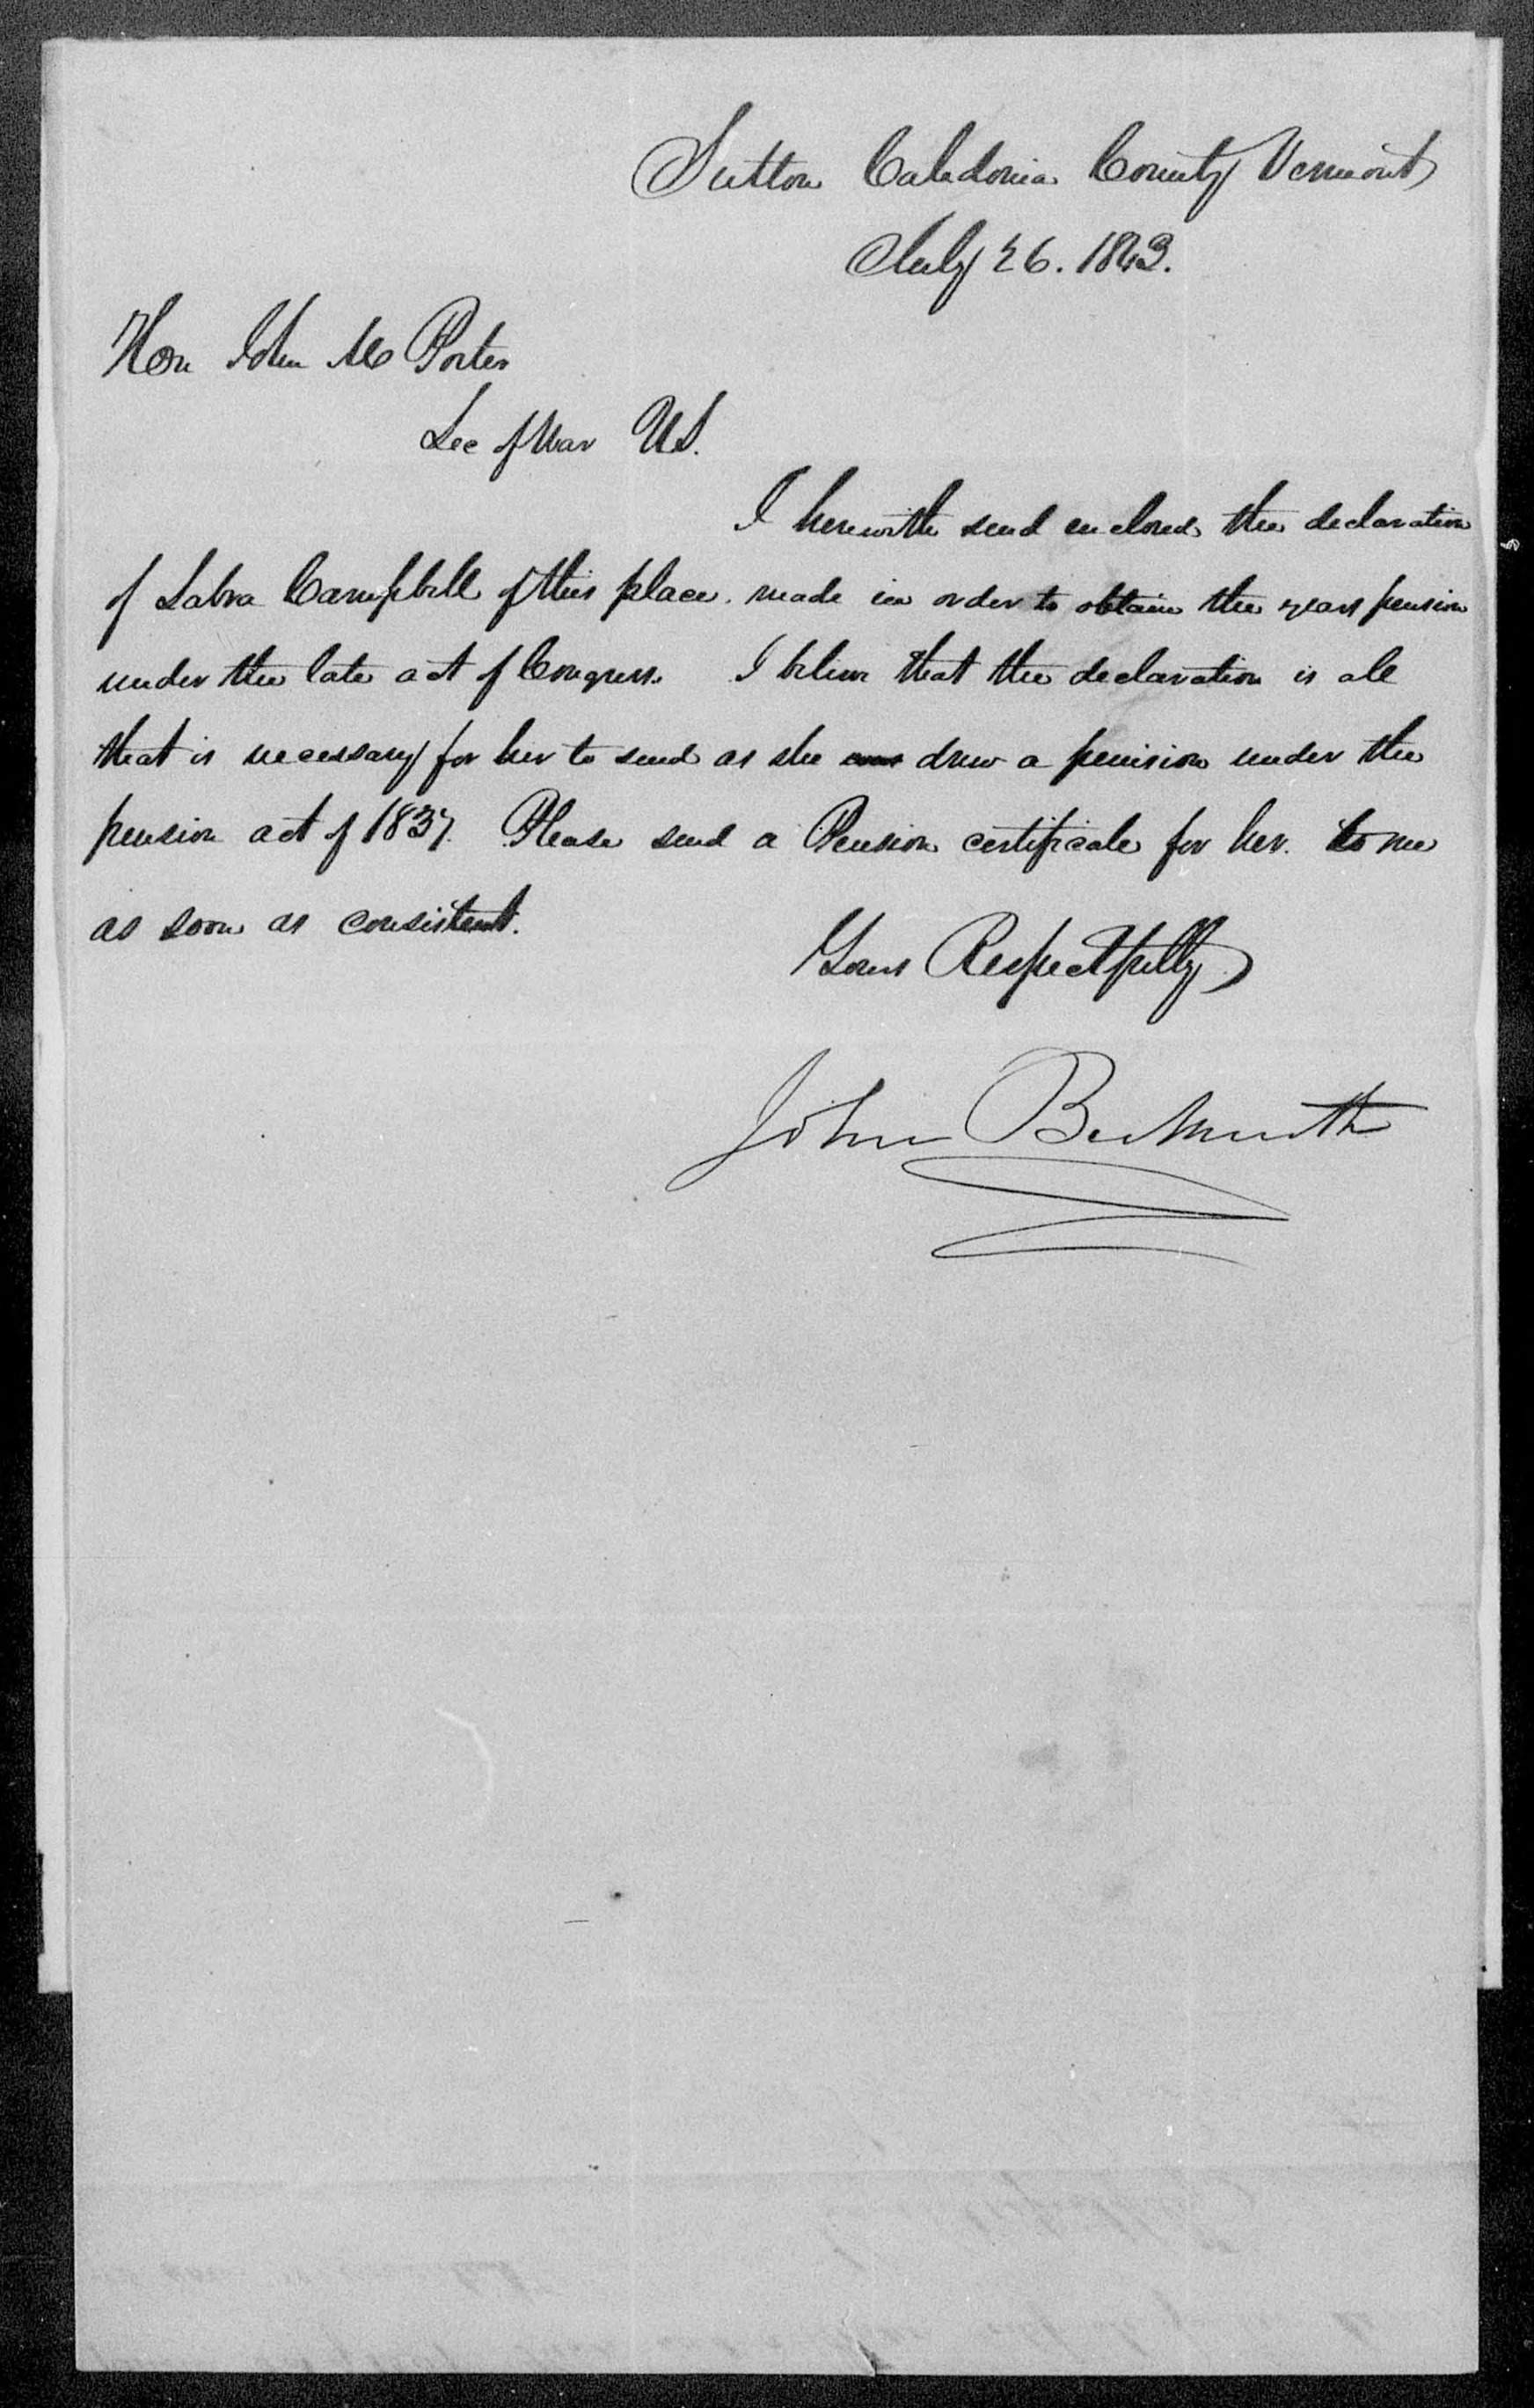Sutton Caledonia County Vermont
July 26. 1843.

Hon John M Porter
Sec of War US.

I herewith send enclosed the declaration of Sabra Campbell of this place, made in order to obtain the year pension under the late act of Congress. I believe that the declaration is all
that is necessary for her to send as she drew a pension under the pension act of 1837. Please send a Pension certificate for her to me as soon as consistent.

Yours Respectfully
John Beckwith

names: John M Porter, Sabra Campbell, John Beckwith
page: 37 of 67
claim: widow's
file: W. 23772, James Campbell, Continental Mass.